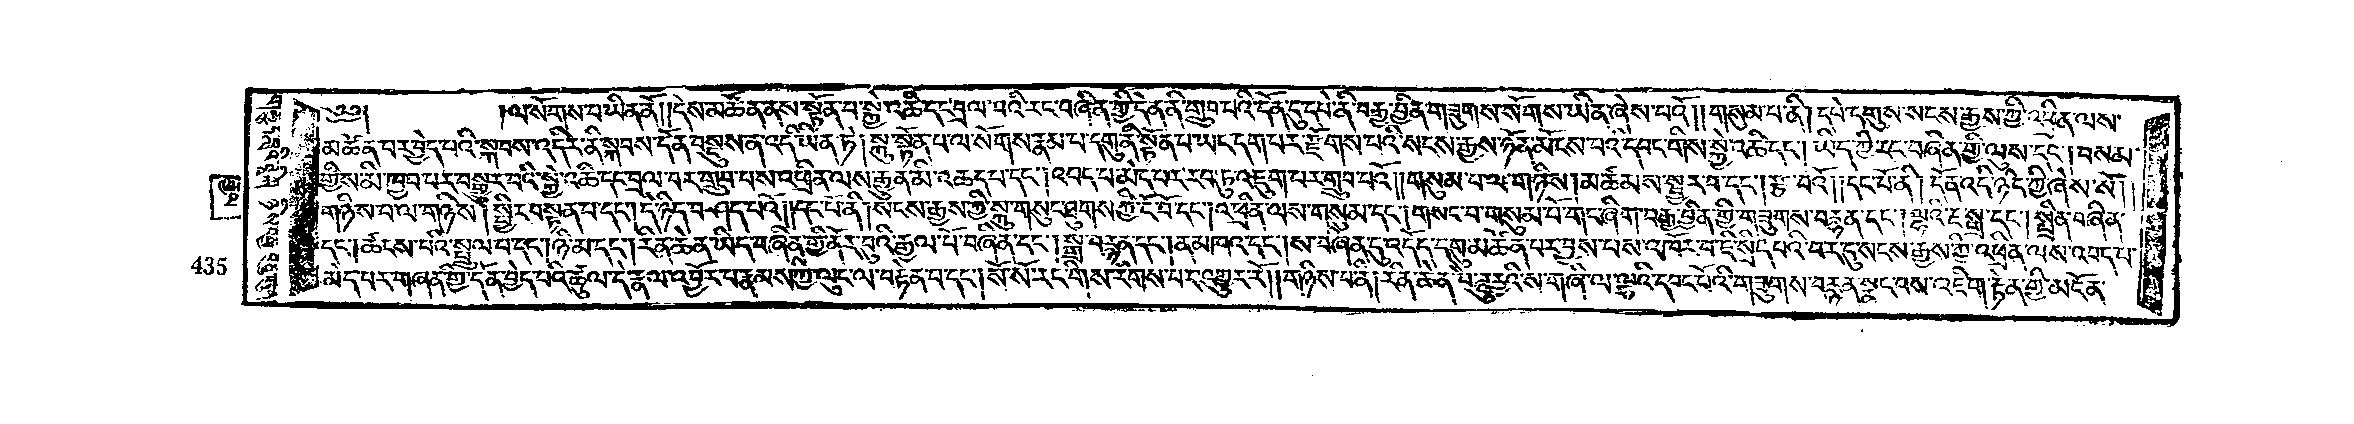༄༅། །ལ་སོགས་པ་ཡིན་ནོ། །དེས་མཚོན་ནས་སྟོན་པ་སྐྱེ་འཆི་དང་བྲལ་བའི་རང་བཞིན་གྱི་དེན་ནི་གྲུབ་པའི་དོན་དུ་དཔེ་ནི་བརྒྱ་བྱིན་གཟུགས་སོགས་ཡིན་ཞེས་པའོ། །གསུམ་པ་ནི། དཔེ་དགུས་སངས་རྒྱས་ཀྱི་འཕྲིན་ལས་
མཚོན་པར་བྱེད་པའི་སྐབས་འདིར་ནི་སྐབས་དོན་བསྡུས་ན་འདི་ཡིན་ཏེ། སྐུ་སྟོན་པ་ལ་སོགས་རྣམ་པ་དགུ་ནི་སྟོན་པ་ཡང་དག་པར་རྫོགས་པའི་སངས་རྒྱས་ཉོན་མོངས་པའི་དབང་གིས་སྐྱེ་འཆི་དང་། ཡིད་ཀྱི་རང་བཞིན་གྱི་ལུས་དང་། བསམ་
གྱིས་མི་ཁྱབ་པར་བསྒྱུར་བའི་སྐྱེ་འཆི་དང་བྲལ་བར་གྲུབ་པས་འཕྲིན་ལས་རྒྱུན་མི་འཆད་པ་དང་། འབད་པ་མེད་པར་རབ་ཏུ་འཇུག་པར་གྲུབ་པའོ། །གསུམ་པ་ལ་གཉིས། མཚམས་སྦྱར་བ་དང་། རྩ་བའོ། །དང་པོ་ནི། དོན་འདི་ཉིད་ཀྱི་ཞེས་སོ།
གཉིས་པ་ལ་གཉིས། སྤྱིར་བསྟན་པ་དང་། དེ་ཉིད་བཤད་པའོ། །དང་པོ་ནི། སངས་རྒྱས་ཀྱི་སྐུ་གསུང་ཐུགས་ཀྱི་ངོ་བོ་དང་། འཕྲིན་ལས་གསུམ་དང་། གསང་བ་གསུམ་པོ་གང་ཞིག་བརྒྱ་བྱིན་གྱི་གཟུགས་བརྙན་དང་། ལྷའི་རྔ་སྒྲ་དང་། སྤྲིན་བཞིན་
དང་། ཚངས་པའི་སྤྲུལ་པ་དང་། ཉི་མ་དང་། རིན་ཆེན་ཡིད་བཞིན་གྱི་ནོར་བུའི་རྒྱལ་པོ་བཞིན་དང་། སྒྲ་བརྙན་དང་། ནམ་མཁའ་དང་། ས་བཞིན་དུ་འདོད་དགུ་མཚེན་པར་བྱས་པས་འཁོར་བ་ཇི་སྲིད་པའི་བར་དུ་སངས་རྒྱས་ཀྱི་འཕྲིན་ལས་འབད་པ་
མེད་པར་གཞན་གྱི་དོན་བྱེད་པའི་ཚུལ་དེ་རྣལ་འབྱོར་བ་རྣམས་ཀྱི་ལུང་ལ་བརྟེན་པ་དང་། སོ་སོ་རང་གིས་རིགས་པར་འགྱུར་རོ། །གཉིས་པ་ནི། རིན་ཆེན་བཻ་ཌཱུ་རྱའི་ས་གཞི་ལ་ལྷའི་དབང་པོའི་གཟུགས་བརྙན་སྣང་བས་འཇིག་རྟེན་གྱི་མངོན་